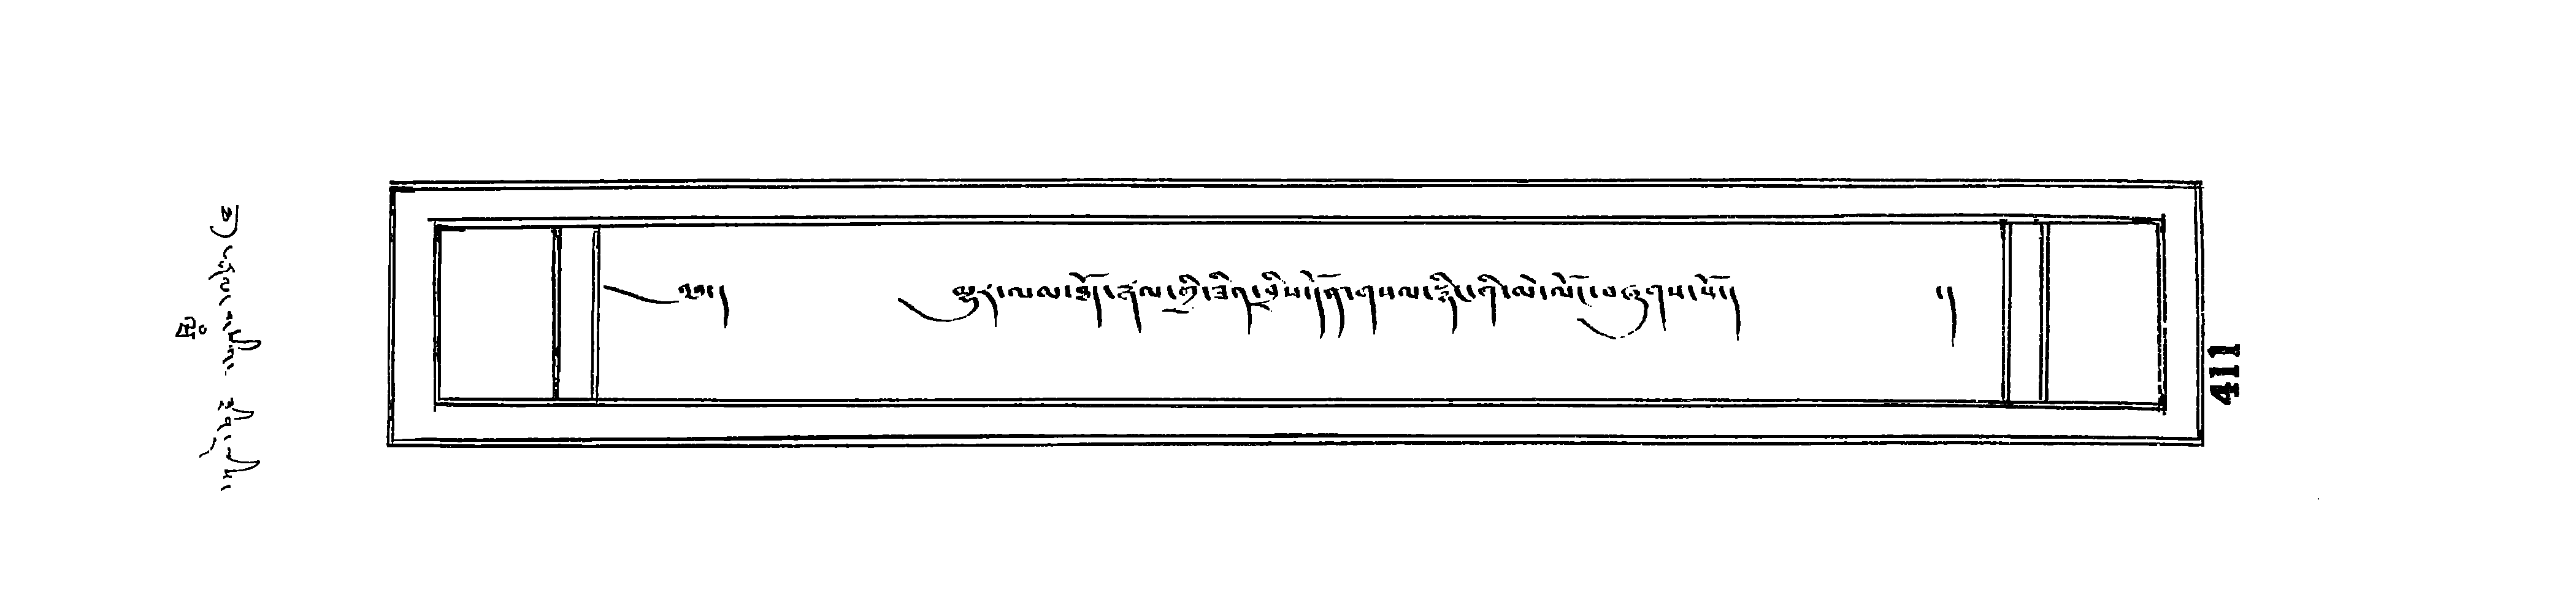༄༅། མྱུར་ལམ་ཐོད་རྒལ་གྱི་ཟིན་བྲིས་དོན་གསལ་སྙིང་གི་མེ་ལོང་བཞུགས་སོ། ་།